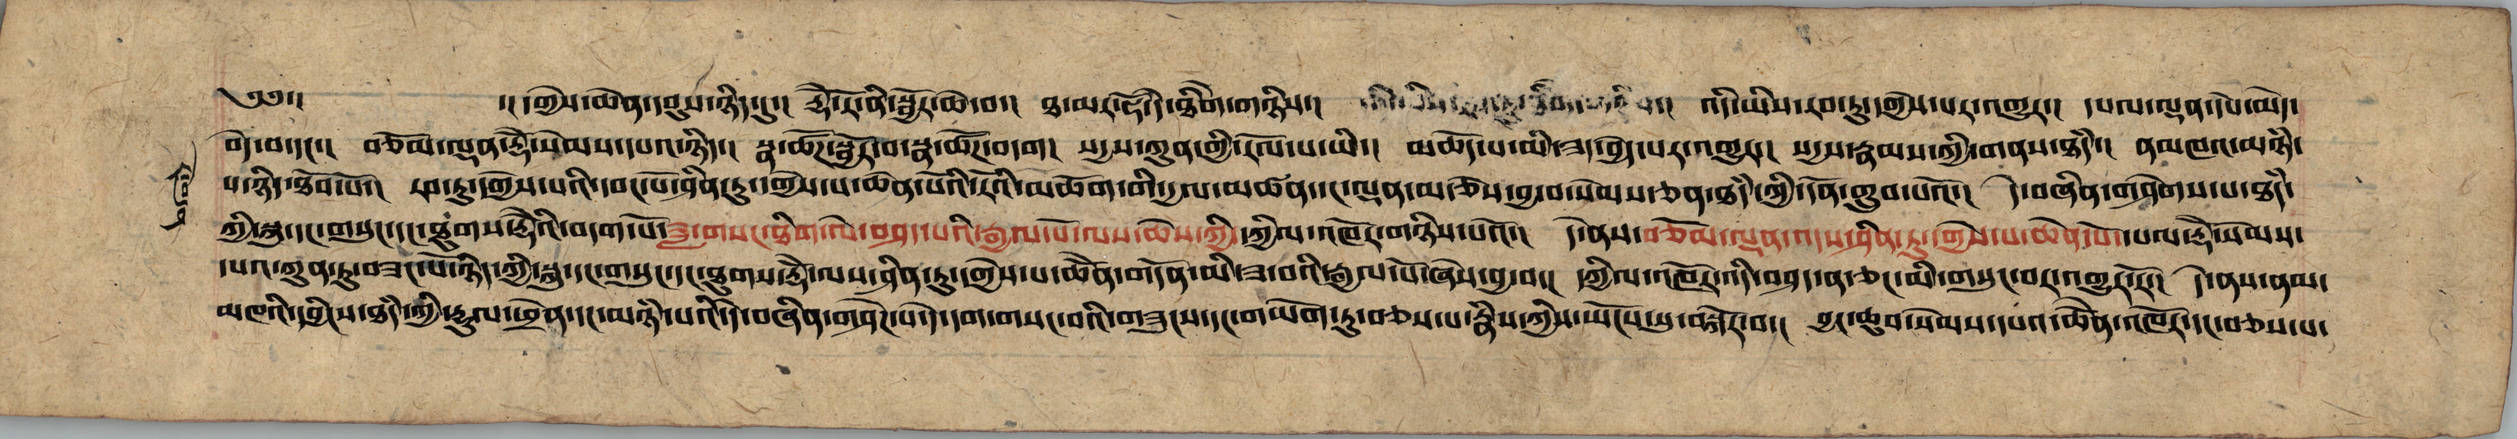༄༅་། ་།དགྱེས་ཆེན་དབུས་ཉིད་དུ་། རྡོེ་རོ་ནི་སྦྱོར་ཆེ་བ་། ཐ་མར་ཧོ་དེ་ཐིགེ་གཉིས་། འདི་ཡིས་རབ་ཏུ་དགྱེས་པར་འགྱུར་། དཔལ་ལྡན་དཔེ་མེད་
བདེ་བ་དང་། བཅོམ་ལྡན་རྡོེ་སེམས་དཔའ་ཉིད་། སྣ་ཚོཌ་སྦྱོར་བ་སྣ་ཚོཌ་བདག། སདྱས་ཀུན་གྱི་རོལ་པ་ཡི་། མཆོད་པ་མི་ཟད་བྱེད་པར་འགྱུར་། སདྱས་རྣམས་ཀྱི་གནས་ཐཾད་། ནམཁའ་མཉཾ་
པ་ཉིད་ཐོབ་པོ་། རབ་ཏུ་དགྱེས་པའི་དབང་པོ་ཤིན་ཏུ་དགྱེས་པ་ཆེན་པོའི་རོའི་མཆོག་གི་དྱལ་མཚན་དང་ལྡན་མ་ཅེས་བྱ་བ་སེམས་ཅན་ཐཾད་ཀྱི་དོན་གྲུབ་པའོ་། དེ་བཞིན་གཤེགས་པ་ཐཾད་
ཀྱི་སྐུ་དང་གསུང་དང་ཐུགས་རྡོེའི་བདག་པོ་ཟླ་གསང་ཐིག་ལེ་བཤད་པའི་རྒྱལ་པོ་ལས་ཆེས་ཀྱི་དཀྱིལ་འཁོར་གཉིས་པའོ་། དེ་ནས་བཅོམ་ལྡན་འདས་ཤིན་ཏུ་དགྱེས་པ་ཆེན་པོ་དཔལ་རྡོེ་སེམས་
དཔའ་ཀུན་ཏུ་བཟང་པོ་ཉིད་ཀྱི་སྐུ་དང་གསུང་དང་ཐུགས་རྡོེ་ལས་ཤིན་ཏུ་དགྱེས་པ་ཆོེན་གདོན་མི་ཟ་བའི་རྒྱལ་པོ་ཞེས་བྱ་བ་། དཀྱིལ་འཁོར་འདི་བཤད་ན་ཅང་མི་གསུང་བར་འགྱུར་རོ་། དེ་ནས་ནམ་
མཁའི་དབྱིངས་ཐཾད་ཀྱི་རྡུལ་ཕྲེན་དང་མཉཾ་པའི་དེ་བཞིན་གཤེཌ་པ་དེ་དག་གསང་བའི་གཟུངས་དང་གཡོག་ཏུ་བཅས་པ་རྣཾས་ཀྱིས་ཡོངས་སུ་བསྐོར་བ་། བྱང་ཆུབ་སེམས་དཔའ་ཆེོན་འཁོར་དང་བཅས་པ་